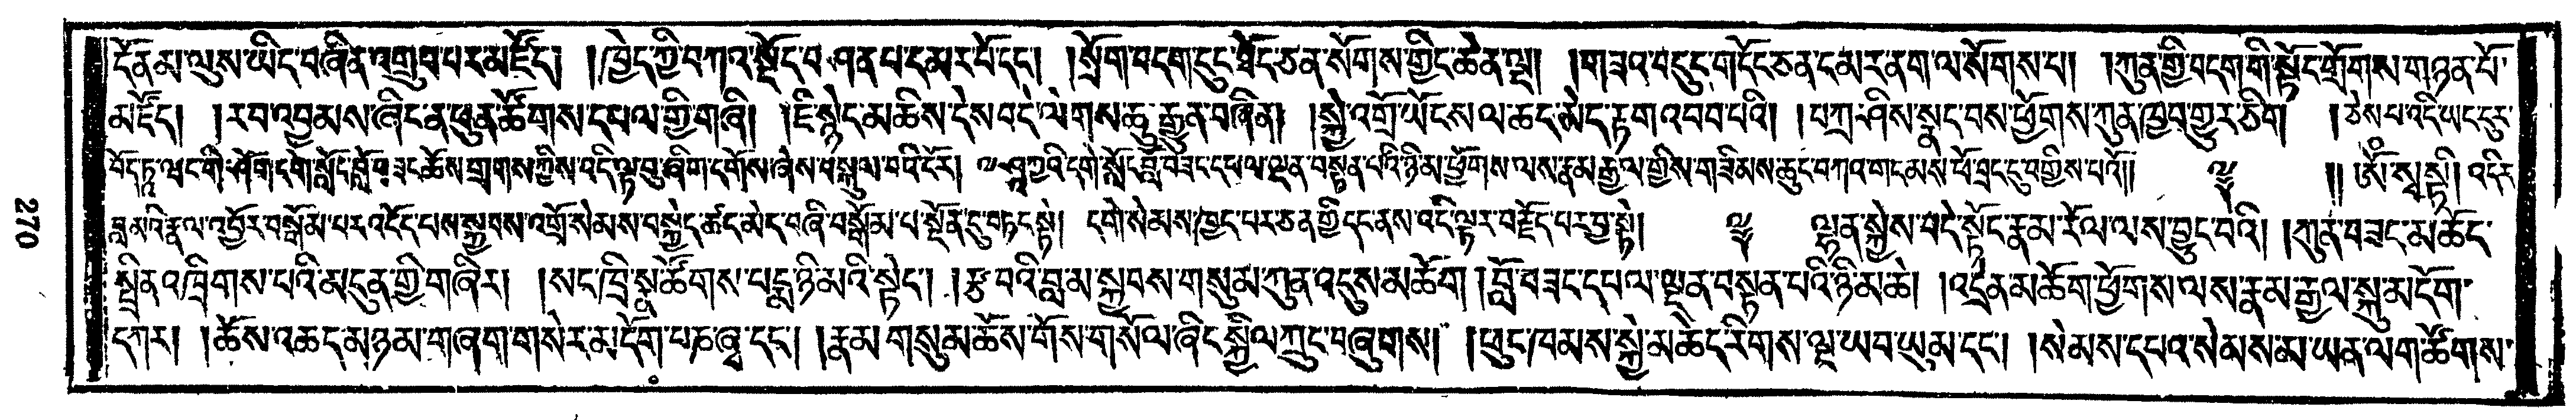དོན་མ་ལུས་ཡིད་བཞིན་འགྲུབ་པར་མཛོད། །ཁྱེད་ཀྱི་བཀའ་སྡོད་བཤན་པ་དམར་པོ་དང་། །སྲོག་བདག་དུང་ཐོང་ཅན་སོགས་གྱིང་ཆེན་ལྔ། །གཟའ་བདུད་གདོང་ཅན་དམར་ནག་ལ་སོགས་པ། །ཀུན་གྱི་བདག་གི་སྟོང་གྲོགས་གཉན་པོ་
མཛོད། །རབ་འབྱམས་ཞིང་ན་ཕུན་ཚོགས་དཔལ་གྱི་གཞི། །ཇི་སྙེད་མཆིས་དེས་བདེ་ལེགས་ཆུ་རྒྱུན་བཞིན། །སྐྱེ་འགྲོ་ཡོངས་ལ་ཆད་མེད་རྟག་འབབ་པའི། །བཀྲ་ཤིས་སྣང་བས་ཕྱོགས་ཀུན་ཁྱབ་གྱུར་ཅིག །ཅེས་པ་འདི་ཡང་དུར་
བོད་ཏཱ་ཝང་གི་ཤོག་དགེ་སློང་བློ་བཟང་ཆོས་གྲགས་ཀྱིས་འདི་ལྟ་བུ་ཞིག་དགོས་ཞེས་བསྐུལ་བའི་ངོར། ༧་ཤཱཀྱའི་དགེ་སློང་བློ་བཟང་དཔལ་ལྡན་བསྟན་པའི་ཉི་མ་ཕྱོགས་ལས་རྣམ་རྒྱལ་གྱིས་གཟིམས་ཆུང་བཀའ་གདམས་ཕོ་བྲང་དུ་བགྱིས་པའོ།། ༈ །།ཨོཾ་སྭསྟི། འདིར་
བླ་མའི་རྣལ་འབྱོར་བསྒོམ་པར་འདོད་པས་སྐྱབས་འགྲོ་སེམས་བསྐྱེད་ཚད་མེད་བཞི་བསྒོམ་པ་སྔོན་དུ་བཏང་སྟེ། དགེ་སེམས་ཁྱད་པར་ཅན་གྱི་དང་ནས་འདི་ལྟར་བརྗོད་པར་བྱ་སྟེ། ༈ ལྷན་སྐྱེས་བདེ་སྟོང་རྣམ་རོལ་ལས་བྱུང་བའི། །ཀུན་བཟང་མཆོད་
སྤྲིན་འཁྲིགས་པའི་མདུན་གྱི་གཞིར། །སང་ཁྲི་སྣ་ཚོགས་པདམ་ཉི་མའི་སྟེང་། །རྩ་བའི་བླ་མ་སྐྱབས་གསུམ་ཀུན་འདུས་མཆོག །བློ་བཟང་དཔལ་ལྡན་བསྟན་པའི་ཉི་མ་ཆེ། །འདྲེན་མཆོག་ཕྱོགས་ལས་རྣམ་རྒྱལ་སྐུ་མདོག་
དཀར། །ཆོས་འཆད་མཉམ་གཞག་གསེར་མདོག་པཎ་ཞྭ་དང་། །རྣམ་གསུམ་ཆོས་གོས་གསོལ་ཞིང་སྐྱིལ་ཀྲུང་བཞུགས། །ཕུང་ཁམས་སྐྱེ་མཆེད་རིགས་ལྔ་ཡབ་ཡུམ་དང་། །སེམས་དཔའ་སེམས་མ་ཡན་ལག་ཚོགས་